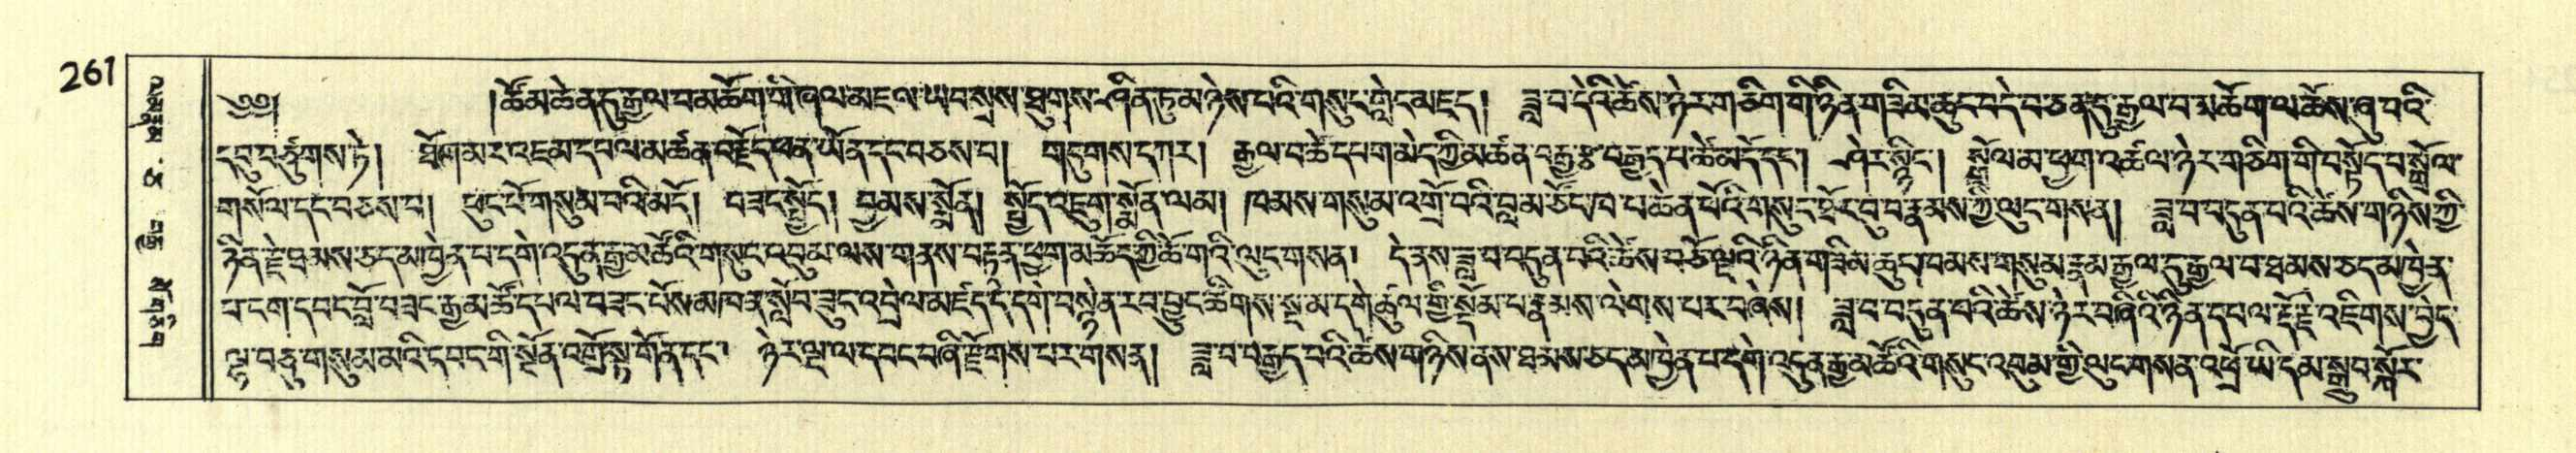༄༅། །ཚོམ་ཆེན་དུ་རྒྱལ་བ་མཆོག་གི་ཞལ་མཇལ་ཡབ་སྲས་ཐུགས་ཤིན་ཏུ་མཉེས་པའི་གསུང་གླེང་མཇད། ཟླ་བ་དེའི་ཚེས་ཉེར་གཅིག་གི་ཉིན་གཟིམ་ཆུང་བདེ་བ་ཅན་དུ་རྒྱལ་བ་མཆོག་ལ་ཆོས་ཞུ་བའི་
དབུ་བཙུགས་ཏེ། ཐོག་མར་འཇམ་དཔལ་མཚན་བརྗོད་ཕན་ཡོན་དང་བཅས་པ། གདུགས་དཀར། རྒྱལ་བ་ཚེ་དཔག་མེད་ཀྱི་མཚན་བརྒྱ་རྩ་བརྒྱད་པ་ཚེ་མདོ་དང་། ཤེར་སྙིང་། སྒྲོལ་མ་ཕྱག་འཚལ་ཉེར་གཅིག་གི་བསྟོད་པ་སྒྲོལ་
གསོལ་དང་བཅས་པ། ཕུང་པོ་གསུམ་བའི་མདོ། བཟང་སྤྱོད། བྱམས་སྨོན། སྤྱོད་འཇུག་སྨོན་ལམ། ཁམས་གསུམ་འགྲོ་བའི་བླ་མ་ཙོང་ཁ་པ་ཆེན་པོའི་གསུང་ཐོར་བུ་བ་རྣམས་ཀྱི་ལུང་གསན། ཟླ་བ་བདུན་པའི་ཚེས་གཉིས་ཀྱི་
ཉིན་རྗེ་ཐམས་ཅད་མཁྱེན་པ་དགེ་འདུན་རྒྱ་མཚོའི་གསུང་འབུམ་ལས་གནས་བརྟན་ཕྱག་མཆོད་ཀྱི་ཆོ་གའི་ལུང་གསན། དེ་ནས་ཟླ་བ་བདུན་བའི་ཚེས་བཅོ་ལྔའི་ཉིན་གཟིམ་ཆུང་ཁམས་གསུམ་རྣམ་རྒྱལ་དུ་རྒྱལ་བ་ཐམས་ཅད་མཁྱེན་
པ་ངག་དབང་བློ་བཟང་རྒྱ་མཚོ་དཔལ་བཟང་པོས་མཁན་སློབ་ཟུང་འབྲེལ་མཛད་དེ་དགེ་བསྙེན་རབ་བྱུང་ཚིགས་སྔ་མ་དགེ་ཚུལ་གྱི་སྡོམ་པ་རྣམས་ལེགས་པར་བཞེས། ཟླ་བ་བདུན་པའི་ཚེས་ཉེར་བཞིའི་ཉིན་དཔལ་རྡོ་རྗེ་འཇིགས་བྱེད་
ལྷ་བཅུ་གསུམ་མའི་དབང་གི་སྔོན་འགྲོ་སྟ་གོན་དང་། ཉེར་ལྔ་ལ་དབང་བཞི་རྫོགས་པར་གསན། ཟླ་བ་བརྒྱད་བའི་ཚེས་གཉིས་ནས་ཐམས་ཅད་མཁྱེན་པ་དགེ་འདུན་རྒྱ་མཚོའི་གསུང་འབུམ་གྱི་ལུང་གསན་འཕྲོ་ཡི་དམ་སྒྲུབ་སྐོར་